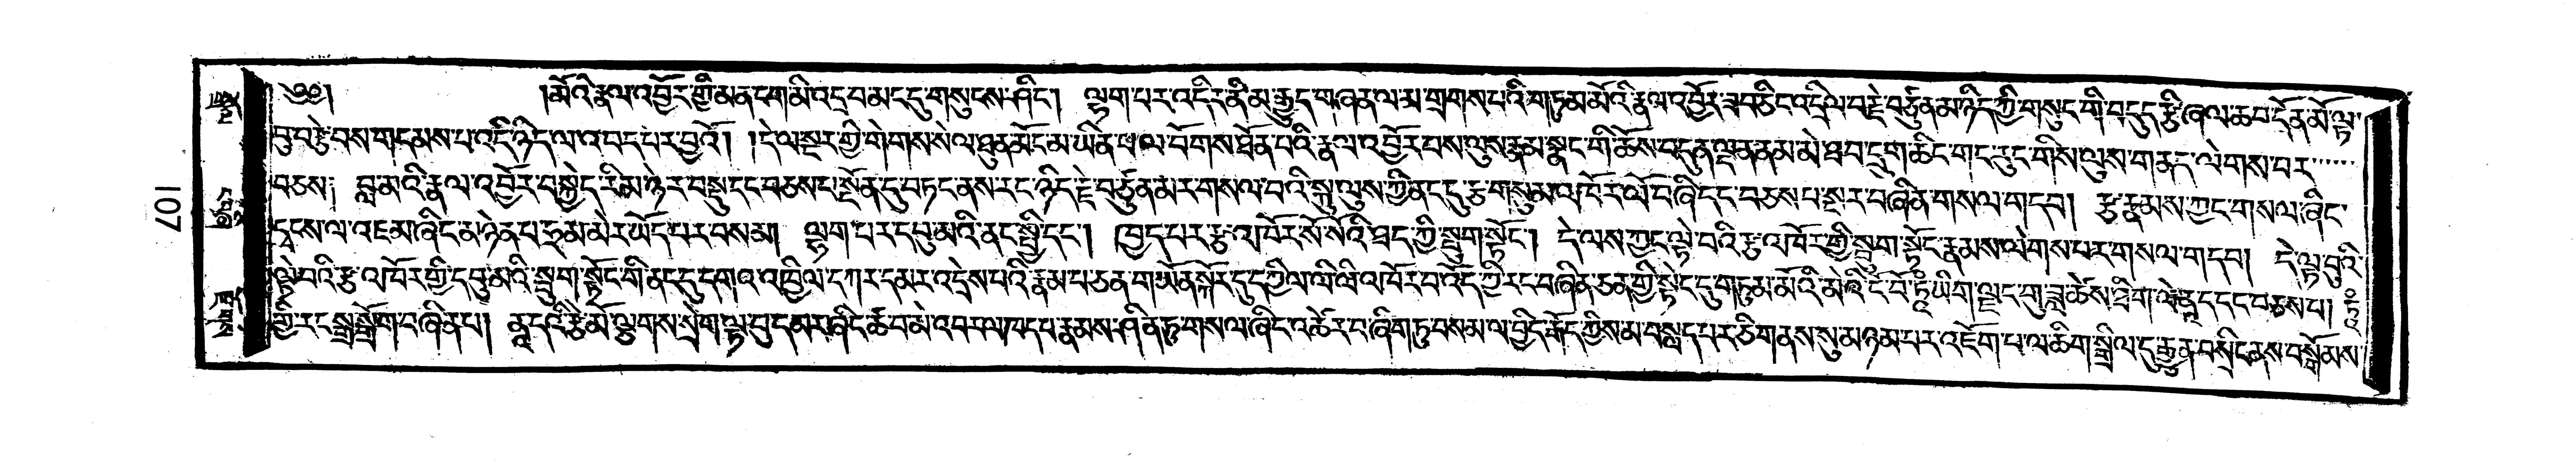༄༅། །མོའི་རྣལ་འབྱོར་གྱི་མན་ངག་མི་འདྲ་བ་མང་དུ་གསུངས་ཤིང་། ལྷག་པར་འདིར་ནི་མ་རྒྱུད་གཞན་ལམ་གྲག་པའི་གཏུམ་མོའི་རྣལ་འབྱོར་ཟབ་ཅིང་འདྲིལ་བ་རྗེ་བཙུན་མ་ཉིད་ཀྱི་གསུང་གི་བདུད་རྩི་ཞལ་ཆབ་དྲོན་མོ་ལྟ་
བུ་བརྩེབས་གདམས་པ་འདི་ཉིད་ལ་འབད་པར་བྱའོ། །དེ་ལ་སྔར་གྱི་གེགས་སེལ་ཐུན་མོང་མ་ཡིན་པ་ལ་བོགས་ཐོན་པའི་རྣལ་འབྱོར་པས་ལུས་རྣམ་སྣང་གི་ཆོས་བདུན་ལྡན་ནམ་མེ་ཐབ་དྲུག་ཆིང་གང་རུང་གིས་ལུས་གནད་ལེགས་པར་
བཅས། བླ་མའི་རྣལ་འབྱོར་བསྐྱེད་རིམ་ཉེར་བསྡུ་དང་བཅས་པ་སྔོན་དུ་བཏང་ནས་རང་ཉིད་རྗེ་བཙུན་མང་གསལ་བའི་སྐུ་ལུས་ཀྱི་ནང་དུ་རྩ་གསུམ་འཁོར་ལོ་བཞི་དང་བཅས་པ་སྔར་བཞིན་གསལ་གདབ། རྩ་རྣམས་ཀྱང་གསལ་ཞིང་
དྭངས་ལ་འཇམ་ཞིང་མཉེན་པ་ཧྲམ་མེར་ཡོད་པར་བསམ། ལྷག་པར་དབུ་མའི་ནང་སྤྱི་དང་། ཁྱད་པར་རྩ་འཁོར་སོ་སོའི་ཐད་ཀྱི་སྦུག་སྟོང་། དེ་ལས་ཀྱང་ལྟེ་བའི་རྩ་འཁོར་གྱི་སྦུག་སྟོང་རྣམས་ལེགས་པར་གསལ་གདབ། དེ་ལྟ་བུའི་
ལྟེ་བའི་རྩ་འཁོར་གྱི་དབུ་མའི་སྦུག་སྟོང་གི་ནང་དུ་དགའ་འཁྱིལ་དཀར་དམར་འདྲེས་པའི་རྣམ་པ་ཅན་གཡོན་སྐོར་དུ་ཀྱིལ་ལི་ལི་འཁོར་བ་འོད་ཀྱི་རང་བཞིན་ཅན་གྱི་སྟེང་དུ་གཏུམ་མོའི་མེའི་ངོ་བོ་ཏཱཾ་ཡིག་ལྗང་གུ་ཟླ་ཚེས་ཐིག་ལེ་ནཱད་དང་བཅས་པ། ཏཱཾ་
གྱི་རང་སྒྲ་སྒྲོག་བཞིན་པ། ནཱ་དའི་རྩེ་མོ་ལྕགས་སྲེག་ལྟ་བུ་དམར་ཞིང་ཚབ་མེ་འབར་ལ་ཁད་པ་རྣམས་ཤིན་ཏུ་གསལ་ཞིང་འཚེར་བ་ཞིག་ཏུ་བསམས་ལ་བྱིང་རྒོད་ཀྱིས་མ་བསླད་པར་ཅི་གནས་སུ་མཉམ་པར་འཇོག་པ་ལ་ཆིག་དྲིལ་དུ་རྒྱུན་བསྲིངས་ནས་བསྒོམས་